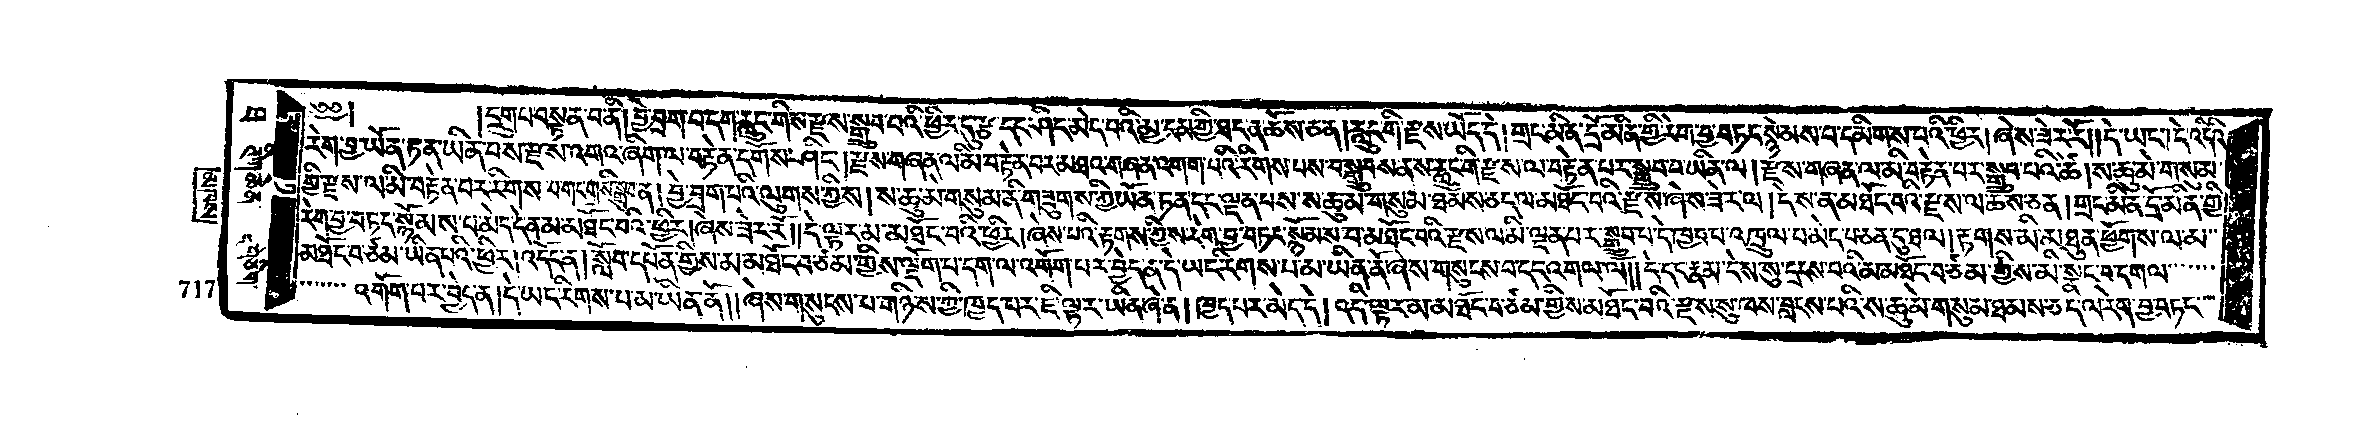༄༅། །དྲུག་པ་བསྟན་པ་ནི། བྱེ་བྲག་པ་དག་རླུང་གིས་རྫས་སྒྲུབ་པའི་ཕྱིར་དུ་རྩ་དང་ཤིང་མེད་པའི་མྱ་ངན་གྱི་ཐང་ན་ཆོས་ཅན། རླུང་གི་རྫས་ཡོད་དེ། གྲང་མིན་དྲོ་མིན་གྱི་རེག་བྱ་བཏང་སྙེམས་པ་དམིགས་པའི་ཕྱིར། ཞེས་ཟེར་རོ། །དེ་ཡང་། དེ་འདིའི་
རེག་བྱ་ཡོན་ཏན་ཡིན་པས་རྫས་འགའ་ཞིག་ལ་བརྟེན་དགོས་ཤིང་། རྫས་གཞན་ལ་མི་བརྟེན་པར་མཐའ་གཞན་འགག་པའི་རིགས་པས་བསྒྲུབས་ནས་རླུང་གི་རྫས་ལ་བརྟེན་པར་སྒྲུབ་པ་ཡིན་ལ། རྫས་གཞན་ལ་མི་བརྟེན་པར་སྒྲུབ་པའི་ཚེ། ས་ཆུ་མེ་གསུམ་
གྱི་རྫས་ལ་མི་བརྟེན་པར་རིགས་པ་གང་གིས་སྒྲུབ་ན། བྱེ་བྲག་པའི་ལུགས་ཀྱིས། ས་ཆུ་མེ་གསུམ་ནི་གཟུགས་ཀྱི་ཡོན་ཏན་དང་ལྡན་པས་ས་ཆུ་མེ་གསུམ་ཐམས་ཅད་ལ་མཐོང་བའི་རྫས་ཞེས་ཟེར་ལ། དེས་ན་མཐོང་བའི་རྫས་ལ་ཆོས་ཅན། གྲང་མིན་དྲོ་མིན་གྱི་
རེག་བྱ་བཏང་སྙོམས་པ་མེད་དེ་ནམ་མཐོང་བའི་ཕྱིར། ཞེས་ཟེར་རོ། །དེ་ལྟར་མ་མཐོང་བའི་ཕྱིར། ཞེས་པའི་རྟགས་ཀྱིས་རེག་བྱ་བཏང་སྙོམས་པ་མཐོང་བའི་རྫས་ལ་མི་ལྡན་པར་སྒྲུབ་པ་དེ་ཁྱབ་པ་འཁྲུལ་པ་མེད་པ་ཅན་དུ་ཐལ། རྟགས་མི་མཐུན་ཕྱོགས་ལ་མ་
མཐོང་བ་ཙམ་ཡིན་པའི་ཕྱིར། འདོད་ན། སློབ་དཔོན་གྱིས་མ་མཐོང་བ་ཙམ་གྱིས་ལྡོག་པ་དག་ལ་འགོག་པར་བྱེད་ན་དེ་ཡང་རིགས་པ་མ་ཡིན་ནོ་ཞེས་གསུངས་པ་དང་འགལ་ལོ། །དེ་དང་རྣམ་ངེས་སུ་དྲངས་པའི་མ་མཐོང་བ་ཙམ་གྱིས་མི་སྣང་བ་དག་ལ་
འགོག་པར་བྱེད་ན། དེ་ཡང་རིགས་པ་མ་ཡིན་ནོ། །ཞེས་གསུངས་པ་གཉིས་ཀྱི་ཁྱད་པར་ཇི་ལྟར་ཡིན་ཞེ་ན། ཁྱད་པར་མེད་དེ། འདི་ལྟར་མ་མཐོང་བ་ཙམ་གྱིས་མཐོང་བའི་རྫས་སུ་ཁས་བླངས་པའི་ས་ཆུ་མེ་གསུམ་ཐམས་ཅད་ལ་རེག་བྱ་བཏང་